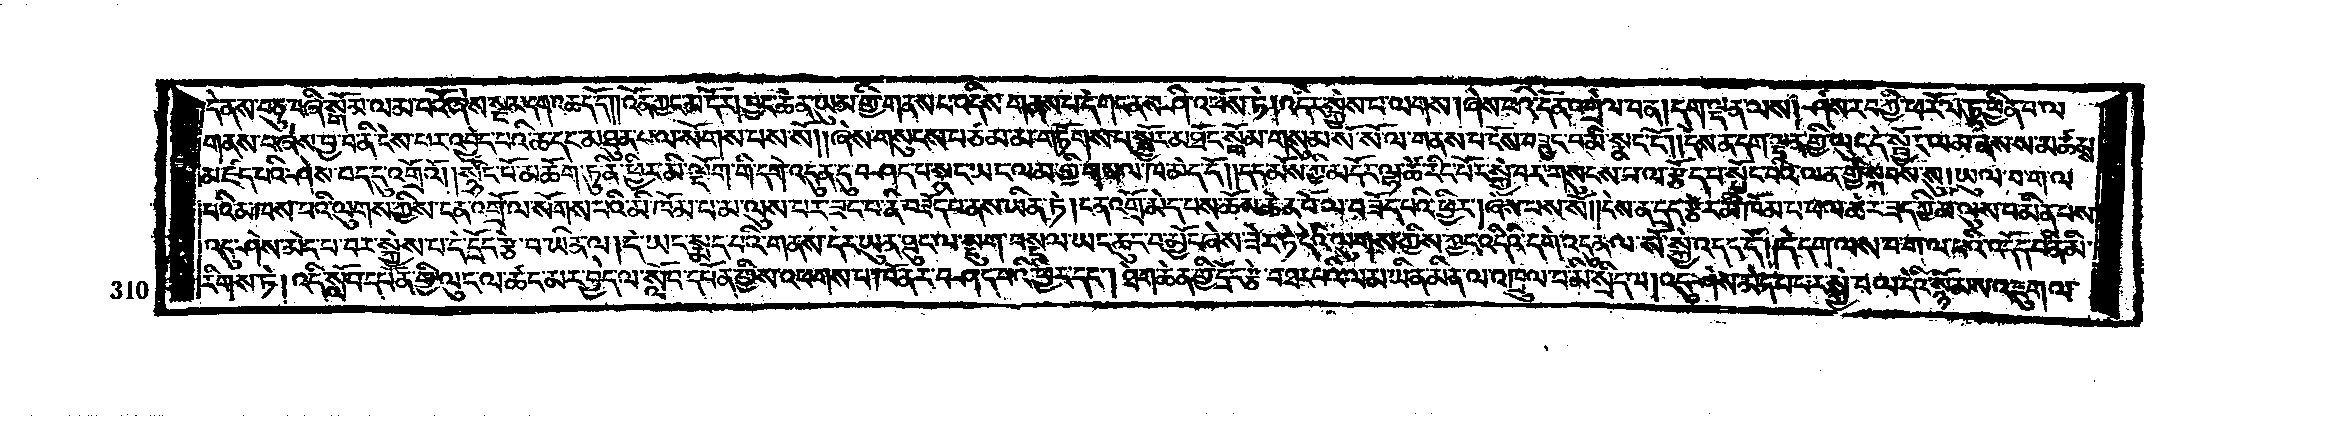དེ་ནས་བཅུ་བཞི་སྒོམ་ལམ་པའོ་ཞེས་སྔ་མ་དག་འཆད་དོ། །འོན་ཀྱང་མ་དོར། བྱང་ཆེན་ཡུམ་གྱི་གནས་པ་འདིས་གནས་པ་དེ་གང་ནས་ཤི་འཕོས་ཏེ། འདིར་སྐྱེས་པ་ལགས། ཞེས་པའི་དོན་འགྲེལ་བ་ན། དག་ལྡན་ལས། ཤེས་རབ་ཀྱི་ཕ་རོལ་ཏུ་ཕྱིན་པ་ལ་
གནས་པ་ཞེས་བྱ་བ་ནི་ངེས་པར་འབྱེད་པའི་ཆ་དང་མཐུན་པ་ལ་སོགས་པས་སོ། །ཞེས་གསུངས་པ་ཙམ་མ་གཏོགས་པ་སྦྱོར་མཐོང་སྒོམ་གསུམ་སོ་སོ་ལ་གནས་པ་ངོས་བཟུང་བ་མི་སྣང་ངོ། །དེས་ན་དག་ལྡན་གྱི་ལུང་དེ་སྦྱོར་ལམ་ནས་ས་མཚམས་
མཛད་པའི་ཤེས་བྱེད་དུ་འགྲོའོ། །སྙིང་པོ་མཆོག་ཏུ་ནི་ཕྱིར་མི་ལྡོག་གི་དགེ་འདུན་དུ་བཤད་པ་སྣང་ཡང་ལམ་གྱི་གསལ་ཁ་མེད་དོ། །དད་མོས་ཀྱི་མདོར་ལྷ་ཚེ་རིང་པོར་སྐྱེ་བར་གསུངས་པ་ལ་རྩོད་པ་སྤོང་བའི་ལན་གྱི་སྐབས་སུ། ཡུལ་བ་ག་ལ་
པའི་མཁས་པའི་ལུགས་ཀྱིས་ངན་འགྲོ་ལ་སོགས་པའི་མི་ཁོམ་པ་མ་ལུས་པར་ཟད་པ་ནི་བཟོད་པ་ནས་ཡིན་ཏེ། ངན་འགྲོ་མེད་པས་ཆོས་ཆེན་པོ་ལ་བཟོད་པའི་ཕྱིར། ཞེས་པས་སོ། །དེས་ན་དྲང་རྩེར་མི་ཁོམ་པ་ཕལ་ཆེར་ཟད་ཀྱི་མ་ལུས་པ་མིན་པས་
འདུ་ཤེས་མེད་པ་བར་སྐྱེས་པ་དེ་དྲོང་རྩེ་བ་ཡིན་ལ། དེ་ཡང་སྨད་པའི་གནས་དེར་ཡུན་ཐུང་ལ་སྡུག་བསྔལ་ཡང་ཆུད་བ་མྱོང་ཞེས་ཟེར་ཏེ་དེའི་ལུགས་ཀྱིས་ཀྱང་འདིའི་དགེ་འདུན་ལ་སོ་སྐྱེ་འདོད་དོ། །དེ་དག་ལས་བ་ག་ལ་པའི་འདོད་པ་ནི་མི་
རིགས་ཏེ། འདི་སློབ་དཔོན་གྱི་ལུང་ལ་ཚད་མར་བྱེད་ལ་སློབ་དཔོན་གྱིས་འཕགས་པ་ཁོ་ནར་བཤད་པའི་ཕྱིར་དང་། ཐེག་ཆེན་གྱི་དྲོང་རྩེ་བ་ཐར་པའི་ལམ་ཡིན་མིན་ལ་འཁྲུལ་པ་མི་སྲིད་ལ། འདུ་ཤེས་མེད་པ་པར་སྐྱེ་བ་ལ་དེའི་སྙོམས་འཇུག་ལ་